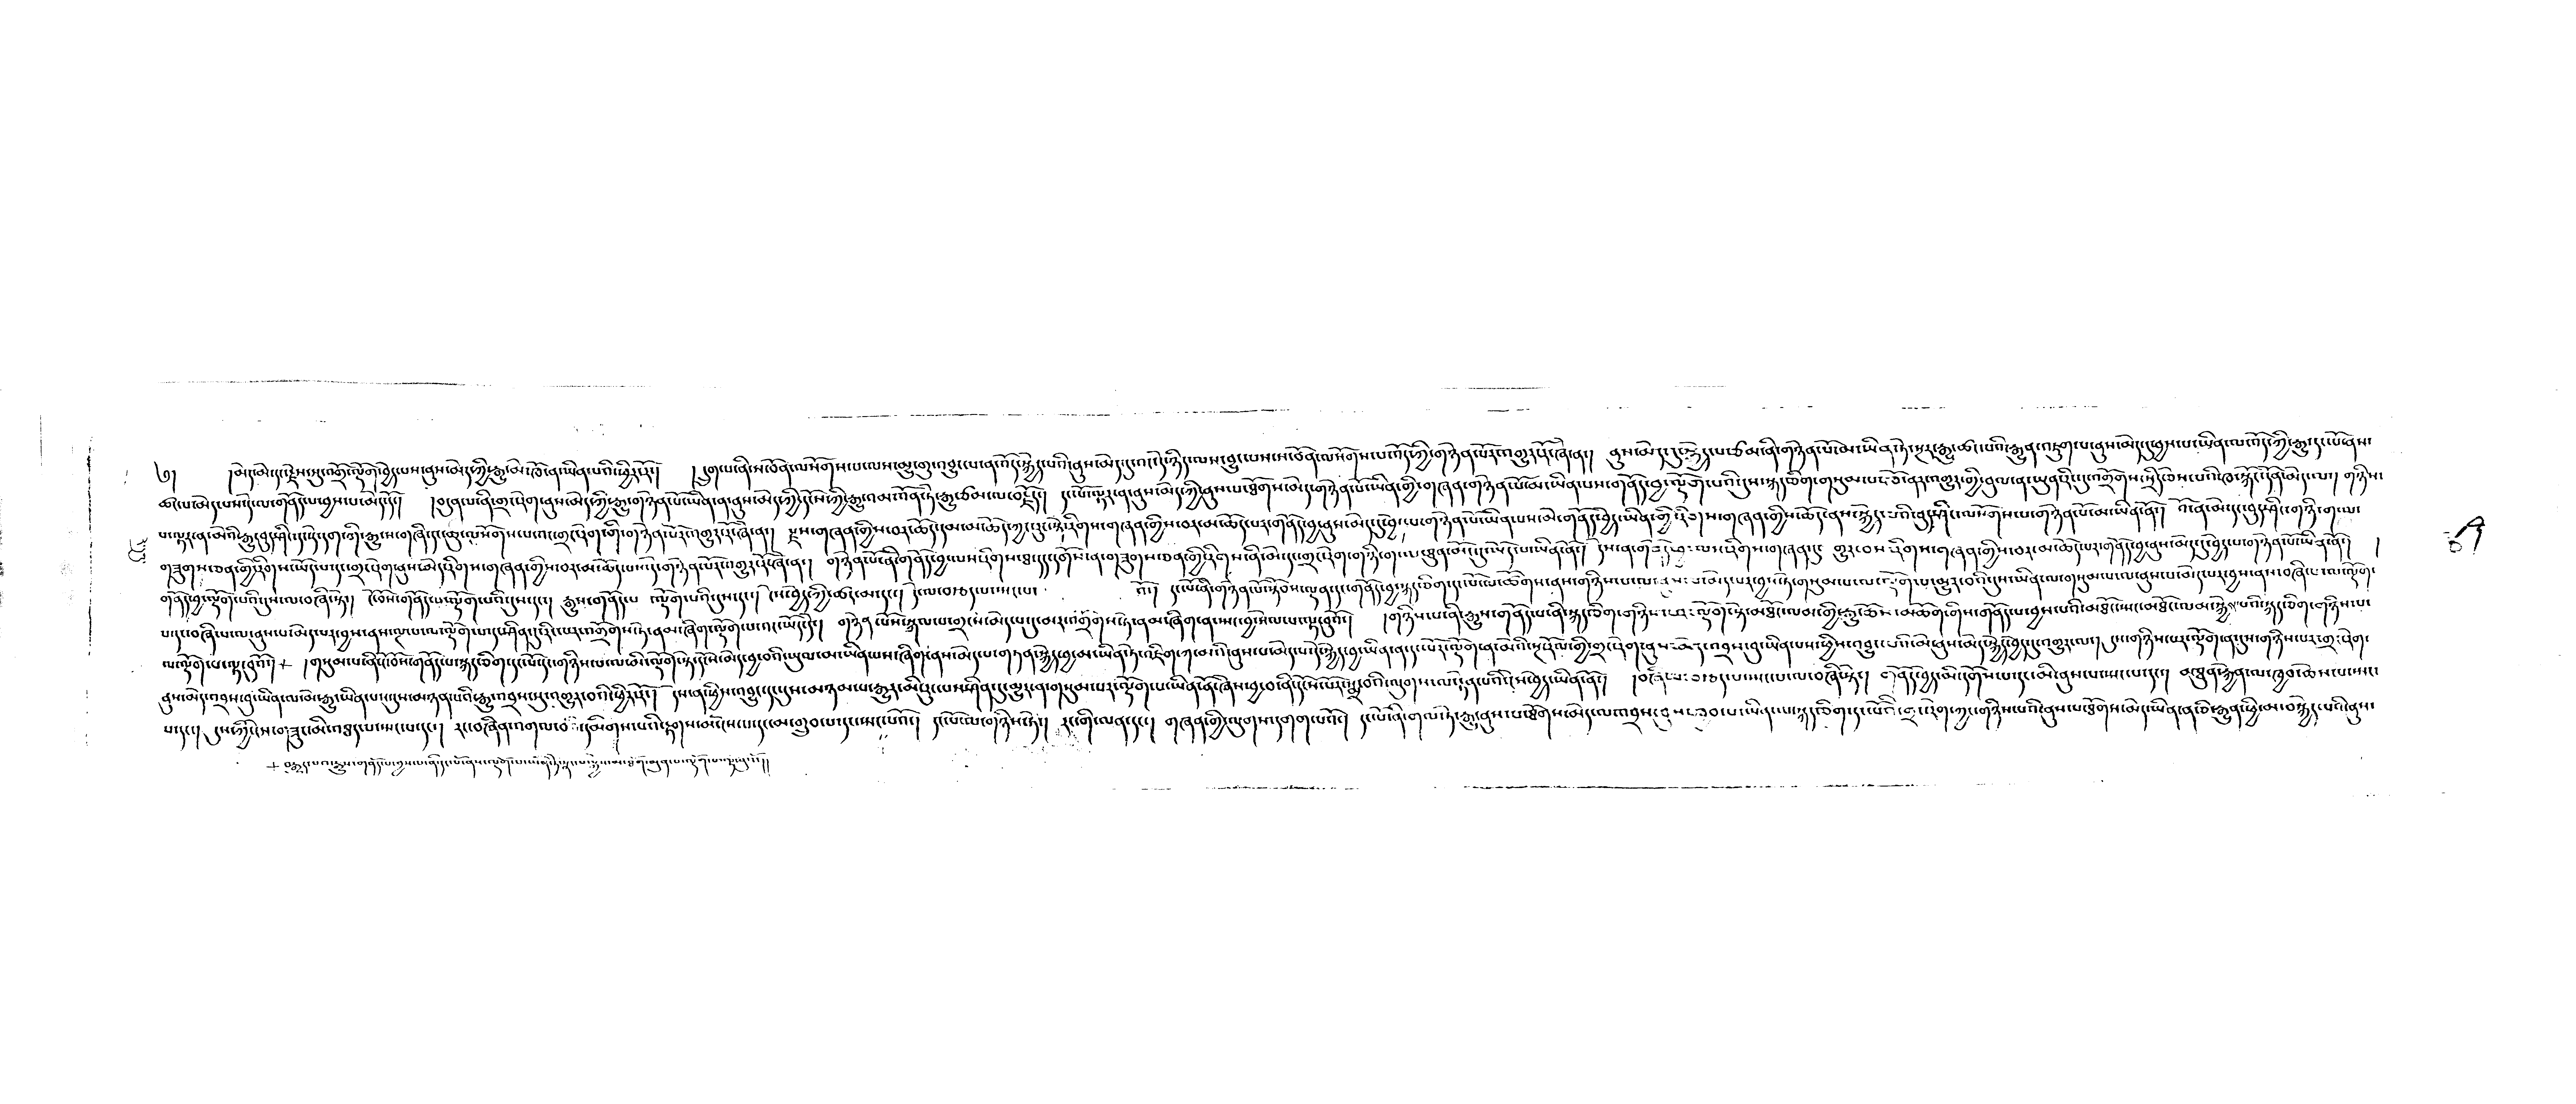༈། །མེད་མེ་དང་རྗེས་སུ་འགྲོ་ལྡོག་བྱེད་པས་ནུས་མེད་ཀྱི་རྒྱུ་མེ་ཁོ་ན་ཡིན་པའི་ཕྱིར་རོ། །དྲུག་པ་ནི་ས་བོན་ལ་སོགས་པ་ལས་མྱུ་གུ་འབྱུང་པ་ན་འོད་སྐྱེད་པའི་ནུས་མེད་དུ་འང་དེ་ཉིད་ལས་བྱུང་པས་ས་བོན་ལ་སོགས་པ་འོད་ཀྱི་གཉེན་པོར་འགྱུར་རོ་ཞེ་ན། ནུས་མེད་དུ་སྐྱེད་པ་ཙམ་ནི་གཉེན་པོ་མེ་ཡིན་ཏེ་སྔར་རྒྱུ་ཚང་པའི་རྒྱུན་འཇུག་པ་ནུས་མེད་དུ་བྱས་པ་ཡིན་ལ་འོད་ཀྱི་རྒྱུ་དང་པོ་ནས་
ཚང་པ་མེད་པས་དེ་ལ་གནོད་པ་བྱས་པ་མེད་དོ། །བདུན་པ་ནི་གྲང་རེག་ནུས་མེད་ཀྱི་རྒྱུ་གཉེན་པོ་ཡིན་ན་ནུས་མེད་ཀྱི་དངོས་ཀྱི་རྒྱུ་འམ་འོན་ཏེ་རྒྱུ་ཙམ་ལ་བརྗོད། དང་པོ་ལྟར་ན་ནུས་མེད་ཀྱི་ནུས་པ་ཐོགས་མེད་གཉེན་པོ་ཡིན་གྱི་གཞན་གཉེན་པོ་མ་ཡིན་པས་གནོད་བྱ་ལྡོག་པའི་དུས་སྐད་ཅིག་གསུམ་པ་ཁོ་ནར་འགྱུར་གྱི་བུལ་ན་ཡུན་རིང་དུ་འགྲོགས་སྲིད་ཅེས་པའི་ཁ་སྐོང་དོན་མེད་ལ། གཉིས་
པ་ལྟར་ན་མེའི་རྒྱུ་བུད་ཤིང་དང་དེ་དག་གི་རྒྱུ་ས་གཞི་དང་ཆུ་ལ་སོགས་པ་འང་གྲང་རེག་གི་གཉེན་པོར་འགྱུར་རོ་ཞེ་ན། རྫས་གཞན་གྱིས་བར་ཆོད་དམ་མ་ཆོད་ཀྱང་རུང་སྟེ་རིགས་གཞན་གྱིས་བར་མ་ཆོད་པར་གནོད་བྱ་ནུས་མེད་དུ་བྱེད་པ་གཉེན་པོ་ཡིན་པས་མེ་གནོད་བྱེད་ཡིན་གྱི་རིགས་གཞན་གྱིས་ཆོད་ནས་སྐྱེད་པའི་བུད་ཤིང་ལ་སོགས་པ་གཉེན་པོ་མ་ཡིན་ནོ། འོ་ན་མེ་དང་བུད་ཤིང་གཉི་ག་ལ་
གཟུགས་ཅན་གྱི་རིགས་ཡོད་པ་དང་གྲང་རེག་ནུས་མེད་རིགས་གཞན་གྱིས་བར་མ་ཆོད་པས་དེ་གཉེན་པོར་འགྱུར་རོ་ཞེ་ན། གཉེན་པོ་ནི་གནོད་བྱ་ལས་རིགས་ཐ་དད་དགོས་ན་གཟུགས་ཅན་གྱི་རིགས་ནི་མེ་དང་གྲང་རེག་གཉི་ག་ལ་ཐུན་མོང་དུ་ཡོད་པ་ཡིན་ནོ། དེས་ན་གནོད་བྱ་ལས་རིགས་གཞན་དུ་གྱུར་བས་རིགས་གཞན་གྱིས་བར་མ་ཆོད་པར་གནོད་བྱ་ནུས་མེད་དུ་བྱེད་པ་གཉེན་པོ་ཡིན་ནོ། །
གནོད་བྱ་ལྡོག་པའི་དུས་ལ་བཞི་སྟེ། ངོ་བོས་གནོད་པ་ལྡོག་པའི་དུས་དང་། རྒྱུས་གནོད་པ་ལྡོག་པའི་དུས་དང་། ངེས་བྱེད་ཀྱི་ཚད་མ་དང་། དེ་ལ་བརྩད་པ་སྤང་པ་འོ། དང་པོ་ནི་གཉེན་པོ་སྟོབས་ལྡན་དང་གནོད་བྱ་སྐད་ཅིག་དང་པོ་ལ་ཚོགས་ནས་གཉིས་པ་ལ་ནུས་པ་མེད་པར་བྱས་ཏེ་གསུམ་བ་ལ་ལྡོག་པ་མྱུར་བའི་དུས་ཡིན་ལ་གསུམ་པ་ལ་ནུས་པ་མེད་པར་བྱས་ནས་བཞི་པ་ལ་ལྡོག་
པ་དང་བཞི་པ་ལ་ནུས་པ་མེད་པར་བྱས་ནས་ལྔ་པ་ལ་ལྡོག་པ་དང་ཤིན་དུ་རིང་པར་འགྲོགས་ཏེ་ནམ་ཞིག་ལྡོག་པ་འང་ཡོད་དེ། གཉེན་པོས་སྐལ་པ་གྲངས་མེད་པ་དུ་མར་འགྲོགས་ཏེ་ནམ་ཞིག་ན་སྤང་བྱ་སེལ་པ་ལྟ་བུའོ། །གཉིས་པ་ནི་རྒྱུས་གནོད་པ་ནི་སྐད་ཅིག་གཉིས་པར་ལྡོག་སྟེ་མཐོང་ལམ་གྱི་རྒྱུ་ཆོས་མཆོག་གིས་གནོད་པ་བྱས་པའི་མཐོང་སྤང་མཐོང་ལམ་སྐྱེས་པའི་སྐད་ཅིག་གཉིས་པ་
ལ་ལྡོག་པ་ལྟ་བུའོ། ?་།གསུམ་པ་ནི་ངོ་བོས་གནོད་པ་སྐད་ཅིག་དང་པོ་དང་གཉིས་པ་ལ་མི་ལྡོག་སྟེ་དངོས་མེད་བྱ་བའི་ཡུལ་མ་ཡིན་པས་ཞིག་ནས་མེད་པ་གཏན་སྐྱེད་བྱ་མ་ཡིན་ཏེ་འཇིག་ཀ་མའི་ནུས་པ་མེད་པ་དེ་སྐྱེད་བྱ་ཡིན་ན་དང་པོར་ལྡོག་ན་མེའི་སྔ་རོལ་གྱི་གྲང་རེག་ནུས་མེད་འབྲས་བུ་ཡིན་པས་ཕྱིས་འབྱུང་པའི་མེ་ནུས་མེད་སྐྱེད་བྱེད་དུ་འགྱུར་ལ། དུས་གཉིས་པར་ལྡོག་ན་དུས་གཉིས་པར་གྲང་རེག་
ནུས་མེད་འབྲས་བུ་ཡིན་ལ་མེ་རྒྱུ་ཡིན་པས་དུས་མཉན་པའི་རྒྱུ་འབྲས་སུ་འགྱུར་བའི་ཕྱིར་རོ། དེས་ན་ཕྱིས་འབྱུང་དང་དུས་མཉམ་པ་རྒྱུར་མི་རུང་པས་ཤིན་དུ་མྱུར་ན་གསུམ་པར་ལྡོག་པ་ཡིན་ནོ་ཞེས་བྱ་བ་ནི་དངོས་པོར་སྨྲ་བའི་ལུགས་ལ་རྟེན་པའི་ངེས་བྱེད་ཡིན་ནོ། །བཞི་པ་བརྩད་པ་སྤང་པ་ལ་བཞི་སྟེ། གནོད་བྱེད་མི་དགོས་པ་དང་མི་ནུས་པ་སྤང་པ་དང་། མཐུན་རྐྱེན་ལ་ཁྱབ་ཆེས་པ་སྤང་
པ་དང་། དུས་ཀྱི?་???་དང་པོ་ནི་གལ་ཏེ་རྒྱུ་ནས་པ་ཐོགས་མེད་ལ་འབྲས་བུས་ཁྱབ་པ་ཡིན་པ་སྐད་ཅིག་དང་པོའི་གྲང་རེག་ཀྱང་གཉིས་པའི་ནུས་པ་ཐོགས་མེད་ཡིན་ན་ཅི་རྒྱུན་ཕྱི་མ་བསྐྱེད་པའི་ནུས་